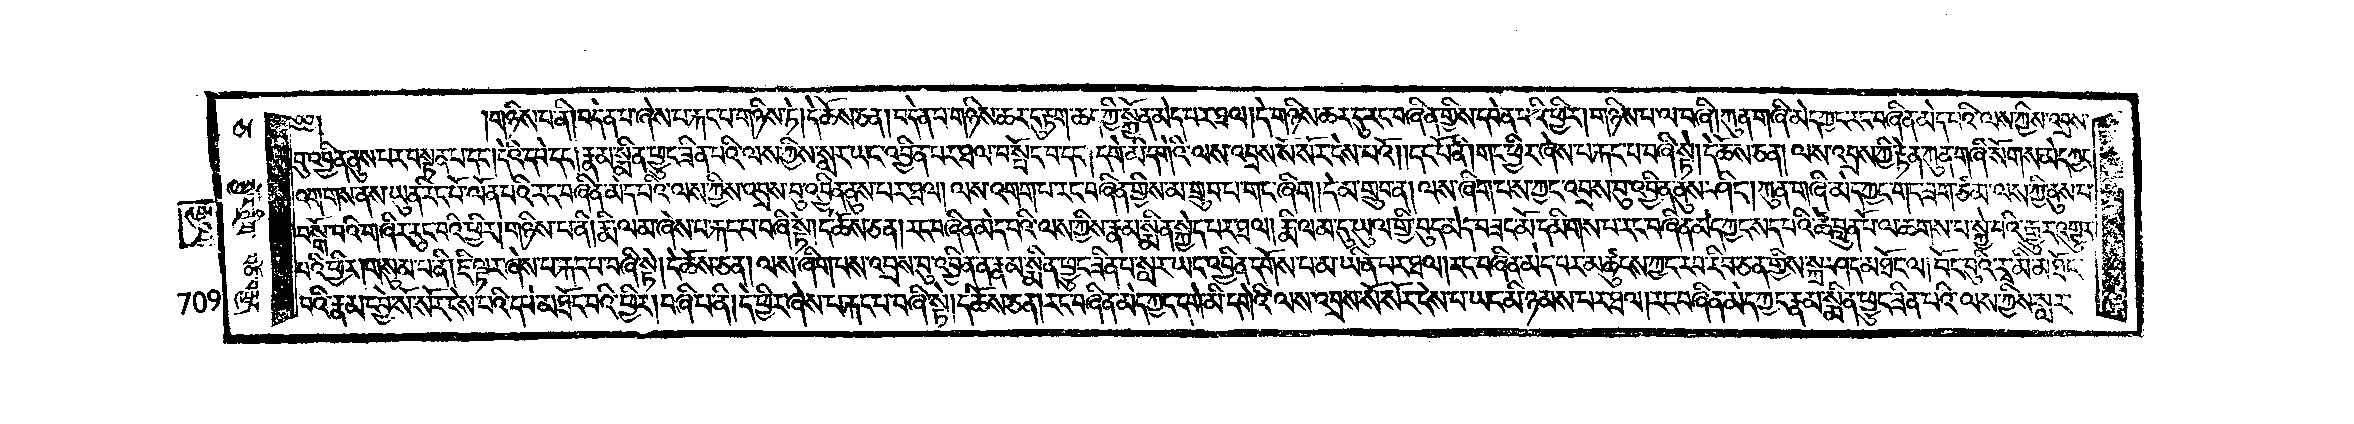༄༅། །གཉིས་པ་ནི། བདེན་པ་ཞེས་པ་རྐང་པ་གཉིས་ཏེ། དེ་ཆོས་ཅན། བདེན་པ་གཉིས་ཆར་དུ་རྟག་ཆད་ཀྱི་སྐྱོན་མེད་པར་ཐལ། དེ་གཉིས་ཆར་དུ་རང་བཞིན་གྱིས་དབེན་པའི་ཕྱིར། གཉིས་པ་ལ་བཞི། ཀུན་གཞི་མེད་ཀྱང་རང་བཞིན་མེད་པའི་ལས་ཀྱིས་འབྲས་
བུ་འབྱིན་ནུས་པར་བསྟན་པ་དང་། དེའི་དཔེ་དང་། རྣམ་སྨིན་ཕྱུང་ཟིན་པའི་ལས་ཀྱིས་སླར་ཡང་འབྱིན་པར་ཐལ་བ་སྤོང་བ་དང་། དགེ་མི་དགེའི་ལས་འབྲས་སོ་སོར་ངེས་པའོ། །དང་པོ་ནི། གང་ཕྱིར་ཞེས་པ་རྐང་པ་བཞི་སྟེ། དེ་ཆོས་ཅན། ལས་འབྲས་ཀྱི་རྟེན་ཀུན་གཞི་སོགས་མེད་ཀྱང་
འགགས་ནས་ཡུན་རིང་པོ་ལོན་པའི་རང་བཞིན་མེད་པའི་ལས་ཀྱིས་འབྲས་བུ་འབྱིན་ནུས་པར་ཐལ། ལས་འགག་པ་རང་བཞིན་གྱིས་མ་གྲུབ་པ་གང་ཞིག །དེ་མ་གྲུབ་ན། ལས་ཞིག་པས་ཀྱང་འབྲས་བུ་འབྱིན་ནུས་ཤིང་། ཀུན་གཞི་མེད་ཀྱང་གང་ཟག་ཙམ་ལས་ཀྱི་ནུས་པ་
བསྒོ་པའི་གཞིར་རུང་བའི་ཕྱིར། གཉིས་པ་ནི། རྨི་ལམ་ཞེས་པ་རྐང་པ་བཞི་སྟེ། དེ་ཆོས་ཅན། རང་བཞིན་མེད་པའི་ལས་ཀྱིས་རྣམ་སྨིན་སྐྱེད་པར་ཐལ། རྨི་ལམ་དུ་ཡུལ་གྱི་བུད་མེད་བཟང་མོ་དམིགས་པ་རང་བཞིན་མེད་ཀྱང་སད་པའི་ཚེ་བླུན་པོ་ལ་ཆགས་པ་སྐྱེ་པའི་རྒྱུར་འགྱུར་
པའི་ཕྱིར། གསུམ་པ་ནི། ཇི་ལྟར་ཞེས་པ་རྐང་པ་བཞི་སྟེ། དེ་ཆོས་ཅན། ལས་ཞིག་པས་འབྲས་བུ་འབྱིན་ན་རྣམ་སྨིན་ཕྱུང་ཟིན་པ་སླར་ཡང་འབྱིན་དགོས་པ་མ་ཡིན་པར་ཐལ། རང་བཞིན་མེད་པར་མཚུངས་ཀྱང་རབ་རིབ་ཅན་གྱིས་སྐྲ་ཤད་མཐོང་ལ། བོང་བུའི་རྭ་མི་མཐོང་
བའི་རྣམ་དབྱེ་སོ་སོར་ངེས་པའི་དཔེ་མཐོང་བའི་ཕྱིར། བཞི་པ་ནི། དེ་ཕྱིར་ཞེས་པ་རྐང་པ་བཞི་སྟེ། དེ་ཆོས་ཅན། རང་བཞིན་མེད་ཀྱང་དགེ་མི་དགེའི་ལས་འབྲས་སོ་སོར་ངེས་པ་ཡང་མི་ཉམས་པར་ཐལ། རང་བཞིན་མེད་ཀྱང་རྣམ་སྨིན་ཕྱུང་ཟིན་པའི་ལས་ཀྱིས་སླར་